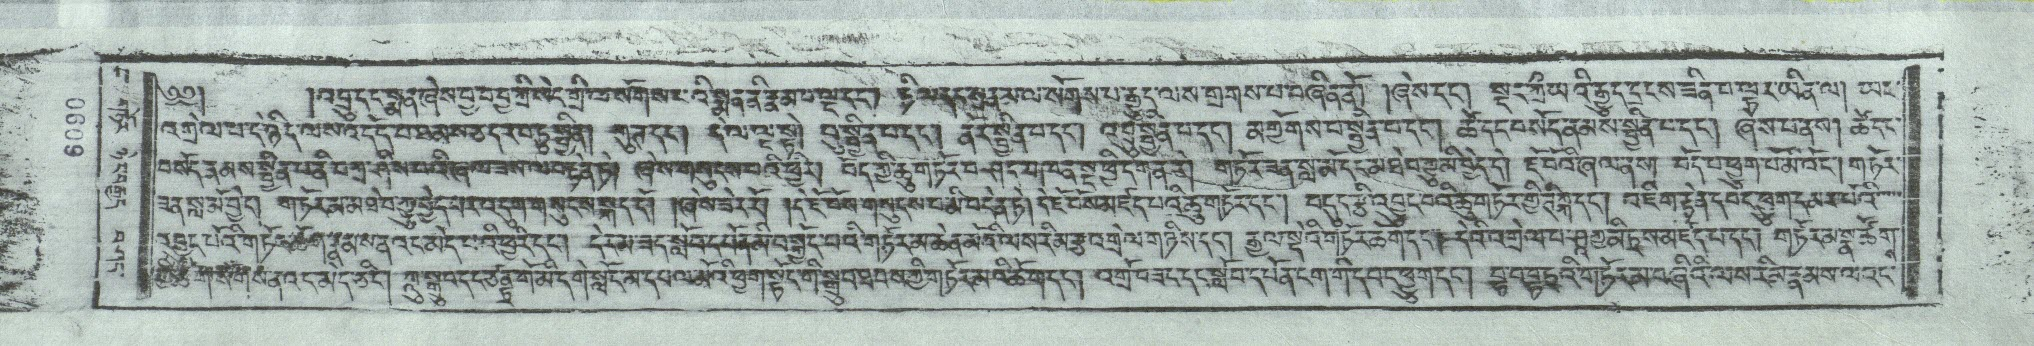༄༅། །འབྲུ་དང་སྨན་ཞེས་བྱ་བ་བྱ་ཀྲི་སེང་གྲི་ལ་སོགས་པའི་སྨན་ནི་རྣམ་པ་ལྔ་དང་། ཏི་ལ་དང་སྲན་མལ་སོགས་པ་རྒྱུད་ལས་གྲགས་པ་བཞིན་ནོ། །ཞེས་དང་། སྔང་ཀྲྀ་ཡའི་རྒྱུད་དྲངས་ཟིན་པ་ལྟར་ཡིན་ལ། ཡང་
འགྲེལ་པ་དེ་ཉིད་ལས་འདོད་པ་ཐམས་ཅད་རབ་ཏུ་སྤྱིན། ཀུ་ཊ་དང་། དེ་ལ་ལྔ་སྟེ། བུ་སྦྱིན་པ་དང་། ནོར་སྦྱིན་པ་དང་། འབྲུ་སྦྱིན་པ་དང་། མགྱོགས་པ་སྦྱིན་པ་དང་། ཚེ་དང་བསོད་ནམས་སྦྱིན་པ་དང་། ཞེས་པ་ནས། ཚེ་དང་
བསོད་ནམས་སྦྱིན་པ་ནི་བཀྲ་ཤིས་པའི་ཞལ་ཟས་ལ་བརྟེན་ཏེ། ཞེས་གསུངས་པའི་ཕྱིར། བོད་ཀྱི་ཆུ་གཏོར་བཤད་པ་ཁན་སྔ་ཕྱི་དག་ན་རེ། གཏོར་ཟན་སླ་མོ་དང་མཐེབ་ཀྱུ་མི་བྱེད་དེ། ཇོ་བོའི་ཞལ་ནས། བོད་པ་ཕྱུག་པོ་མི་འོང་། གཏོར་
ཟན་སླ་མོ་བྱེད། གཏོར་མ་མཐེབ་ཀྱུ་བྱེད་པར་འདུག་གསུངས་སྐད་དོ། །ཞེས་ཟེར་རོ། །དེ་ཇོ་བོས་གསུངས་བ་མི་བདེན་ཏེ། དེ་ཇོ་བོས་མཛད་པའི་ཆུ་གཏོར་དང་། བདུད་རྩི་འབྱུང་བའི་ཆུ་གཏོར་གྱི་ཊིཀྐ་དང་། འཇིག་རྟེན་དབང་ཕྱུག་དམར་པོའི་
འབྱུང་པོའི་གཏོར་ཆོག་རྣམས་ནའང་མེད་པའི་ཕྱིར་དང་། དེར་མ་ཟད་སློབ་དཔོན་མི་བསྐྱོད་བའི་གཏོར་མ་ཆེན་མོའི་ལས་རིམ་རྩ་འགྲེལ་གཉིས་དང་། རྒྱལ་སྡེའི་གཏོར་ཆོག་དང་། དེའི་འགྲེལ་པ་ཤཱཀྱ་མི་ཏྲས་མཛད་པ་དང་། གཏོར་མ་སྣ་ཚོགས་
ཀྱི་ཆོག་སོགས་ནའང་མེད་ཅིང་། ཀླུ་སྒྲུབ་དང་ཙནྟྲ་གོ་མི་དགེ་སློང་མ་དཔལ་མོའི་ཕྱག་སྟོང་གི་སྒྲུབ་ཐབས་ཀྱི་གཏོར་མའི་ཆོག་དང་། འགྲོ་བཟང་དང་སློབ་དཔོན་དག་གི་དབང་ཕྱུག་དང་། བྷ་བ་བྷ་ཏྲའི་གཏོར་མ་བཞིའི་ལས་རིམ་རྣམས་ལའང་